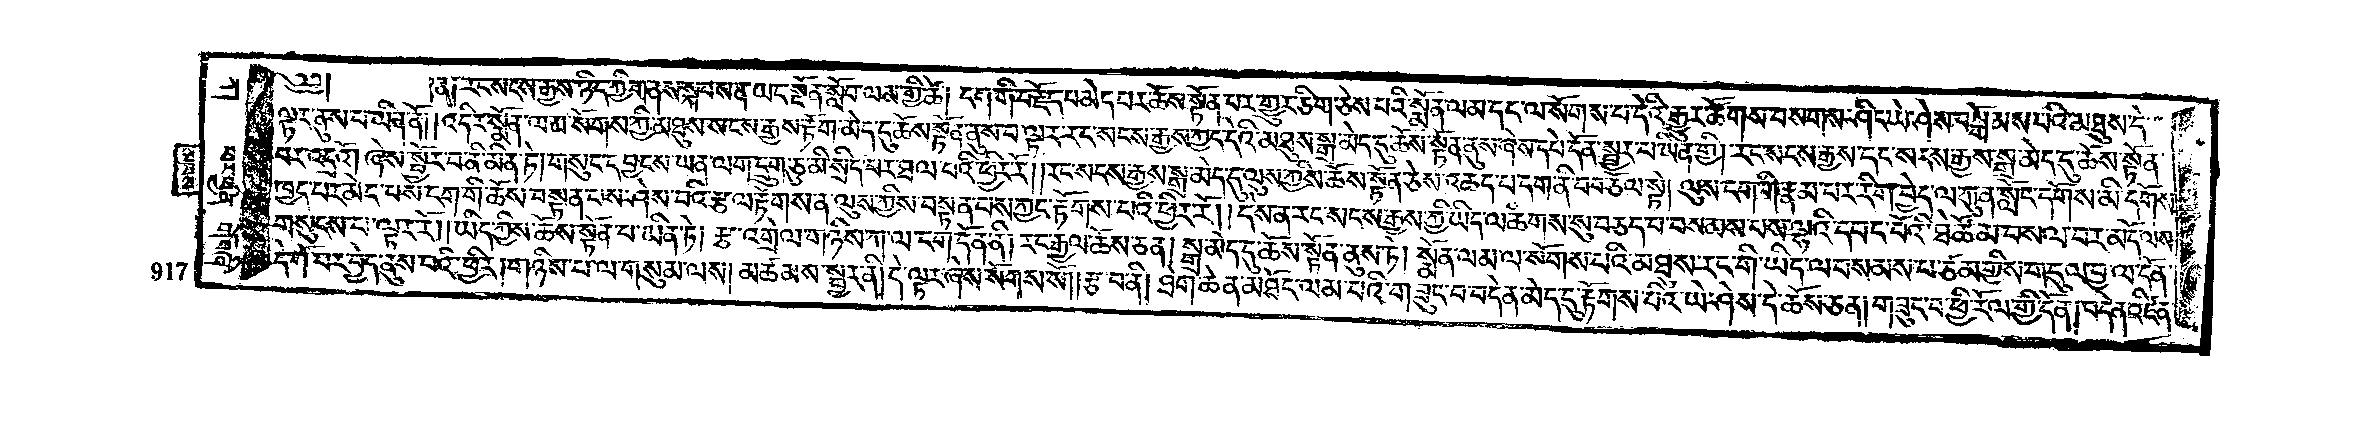༄༅། །ན༑ རང་སངས་རྒྱས་ཉིད་ཀྱི་གནས་སྐབས་ན་ཡང་སྔོན་སློབ་ལམ་གྱི་ཚེ། ངག་གི་བརྗོད་པ་མེད་པར་ཆོས་སྟོན་པར་གྱུར་ཅིག་ཅེས་པའི་སྨོན་ལམ་དང་ལ་སོགས་པ་དེའི་རྒྱུར་ཚོགས་བསགས་ཤིང་ཡེ་ཤེས་བསྒོམས་པའི་མཐུས་དེ་
ལྟར་ནུས་པ་ཡིན་ནོ། །འདིར་སྨོན་ལམ་སོགས་ཀྱི་མཐུས་སངས་རྒྱས་རྟོག་མེད་དུ་ཆོས་སྟོན་ནུས་པ་ལྟར་རང་སངས་རྒྱས་ཀྱང་དེའི་མཐུས་སྒྲ་མེད་དུ་ཆོས་སྟོན་ནུས་ཞེས་དཔེ་དོན་སྦྱར་བ་ཡིན་རང་སངས་རྒྱས་དང་སངས་རྒྱས་སྒྲ་མེད་དུ་ཆོས་སྟོན་
པར་འདྲའོ། ཞེས་སྦྱོར་བ་ནི་མིན་ཏེ། གསུང་དབྱངས་ཡན་ལག་དྲུག་ཅུ་མི་སྲིད་པར་ཐལ་བའི་ཕྱིར་རོ། །རང་སངས་རྒྱས་སྒྲ་མེད་དུ་ལུས་ཀྱིས་ཆོས་སྟོན་ཅེས་འཆད་པ་དག་ནི་བབ་ཅོལ་སྟེ། ལུས་ངག་གི་རྣམ་པར་རིག་བྱེད་ལ་ཀུན་སློང་དགོས་མི་དགོས་
ཁྱད་པར་མེད་པས་ངག་གི་ཆོས་བསྟན་པས་ཤེས་པའི་རྩལ་རྟོགས་ན་ལུས་ཀྱིས་བསྟན་པས་ཀྱང་རྟོགས་པའི་ཕྱིར་རོ། །དེས་ན་རང་སངས་རྒྱས་ཀྱི་ཡིད་ལ་ཚིགས་སུ་བཅད་པ་བསམས་པས་ལྷའི་དབང་པོའི་ཐེ་ཚོམ་བསལ་བར་མདོ་ལས་
གསུངས་པ་ལྟར་རོ། །ཡིད་ཀྱིས་ཆོས་སྟོན་པ་ཡིན་ཏེ། རྩ་འགྲེལ་གཉིས་ཀ་ལ་ངག་དོན་ནི། རང་རྒྱལ་ཆོས་ཅན། སྒྲ་མེད་དུ་ཆོས་སྟོན་ནུས་ཏེ། སྨོན་ལམ་ལ་སོགས་པའི་མཐུས་རང་གི་ཡིད་ལ་བསམས་པ་ཙམ་གྱིས་གདུལ་བྱ་ལ་དོན་
དེ་གོ་བར་བྱེད་ནུས་པའི་ཕྱིར། གཉིས་པ་ལ་གསུམ་ལས། མཚམས་སྦྱར་ནི། དེ་ལྟར་ཞེས་སོགས་སོ། །རྩ་བ་ནི། ཐེག་ཆེན་མཐོང་ལམ་བའི་གཟུང་བ་བདེན་མེད་དུ་རྟོགས་པའི་ཡེ་ཤེས་དེ་ཆོས་ཅན། གཟུང་བ་ཕྱི་རོལ་གྱི་དོན། བདེན་འཛིན་